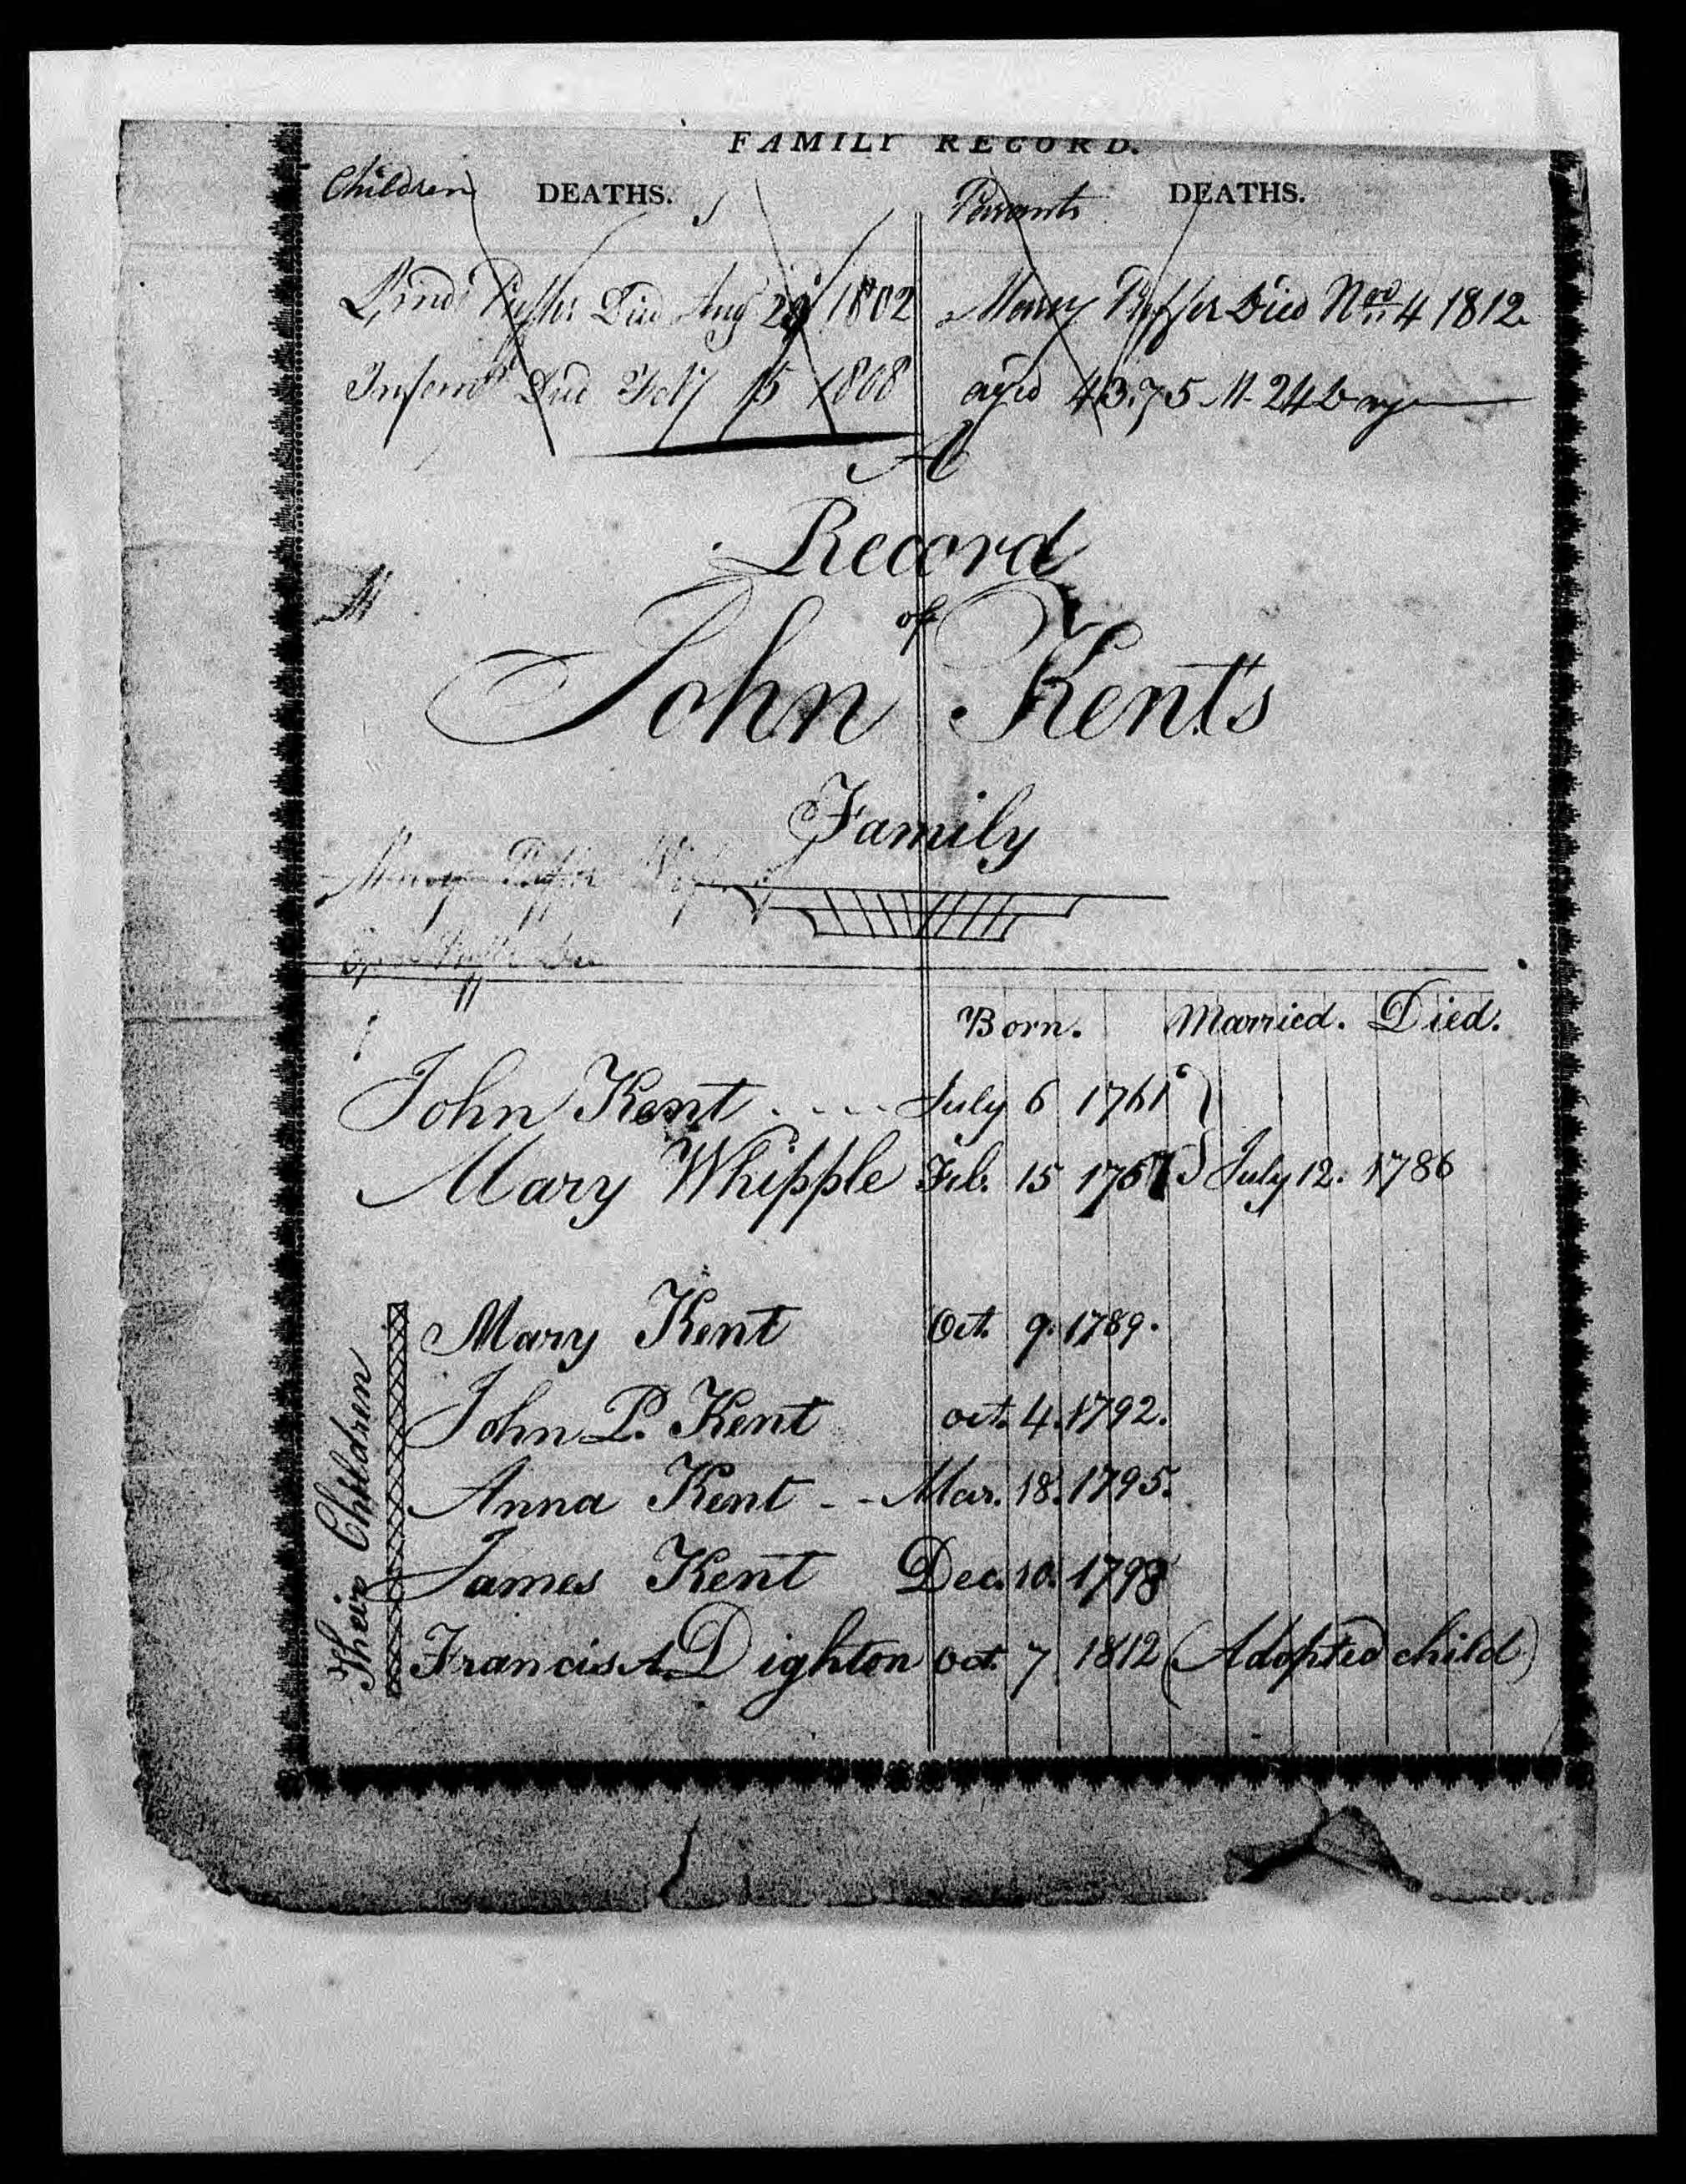[family record of births & deaths that were x'd out]

A Record of John Kent's
Family
[illegible]

Born.     Married.   Died.

John Kent  |July 6 1761 | July 12 1786 |
Mary Whipple | Feb 15 1757 | July 12 1786

Their Children
Mary Kent  Oct. 9. 1789.
John L. Kent    Oct. 4. 1792.
Anna Kent   Mar. 18. 1795.
James Kent  Dec. 10. 1798
Francis A. Dighton  Oct 7. 1812 (Adopted child)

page: 9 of 50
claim: widow's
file: W. 4253, for John Kent, Vermont